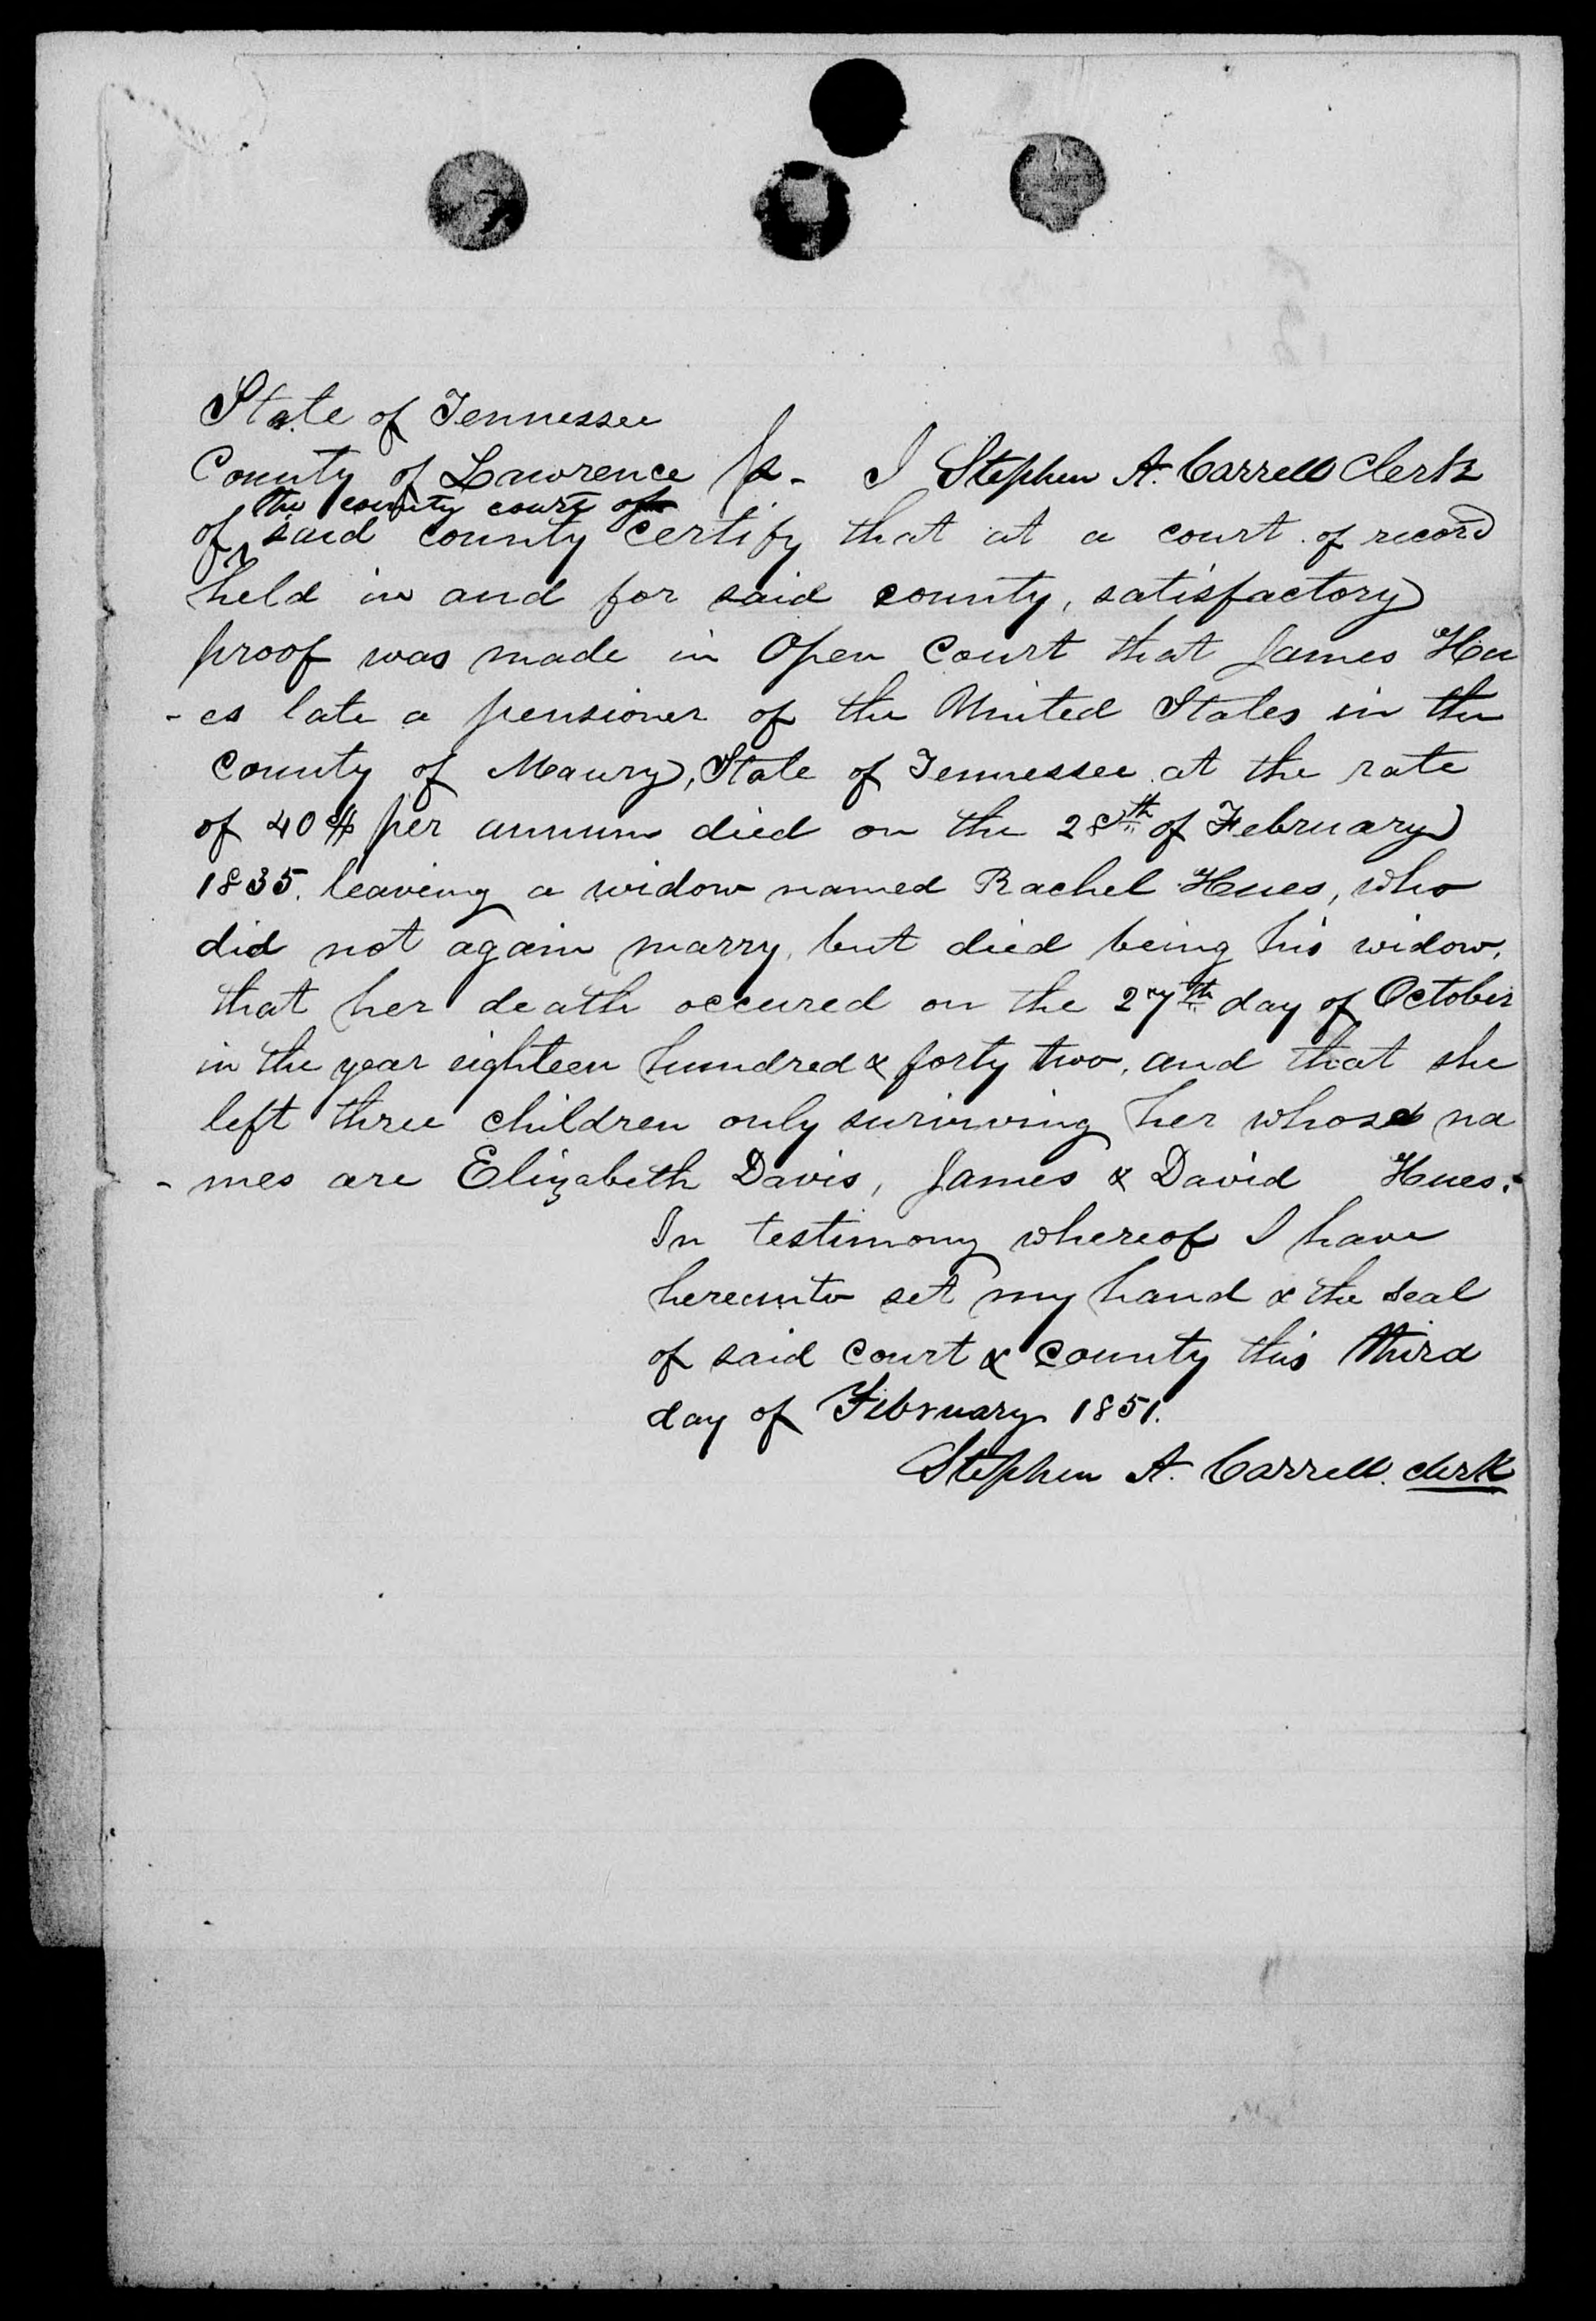State of Tennessee}
County of Lawrence}  SS

I Stephen A. Carrell clerk of the county court of said county certify that at a court of record held in and for said county, satisfactory proof was made in Open Court that James Hues late a pensioner of the United States in the County of Maury, State of Tennessee at the rate of 40$ per annum died on the 28th of February 1835 leaving a widow named Rachel Hues who did not again marry but died being his widow, that her death occurred on the 27th Day of October in the year eighteen hundred & forty two, and that she left three children only surviving whose names are Elizabeth Davis, James & David Hues. 

In testimony whereof I have hereunto set my hand & the seal of said court & county this third day of February 1851.

Stephen A. Carrell clerk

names: Marry, Stephen A Carrell, Elizabeth Davis, Rachel Hues, David Hues, James Hues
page: 7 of 24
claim: rejected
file: R. 5342, James Hues, N.C.